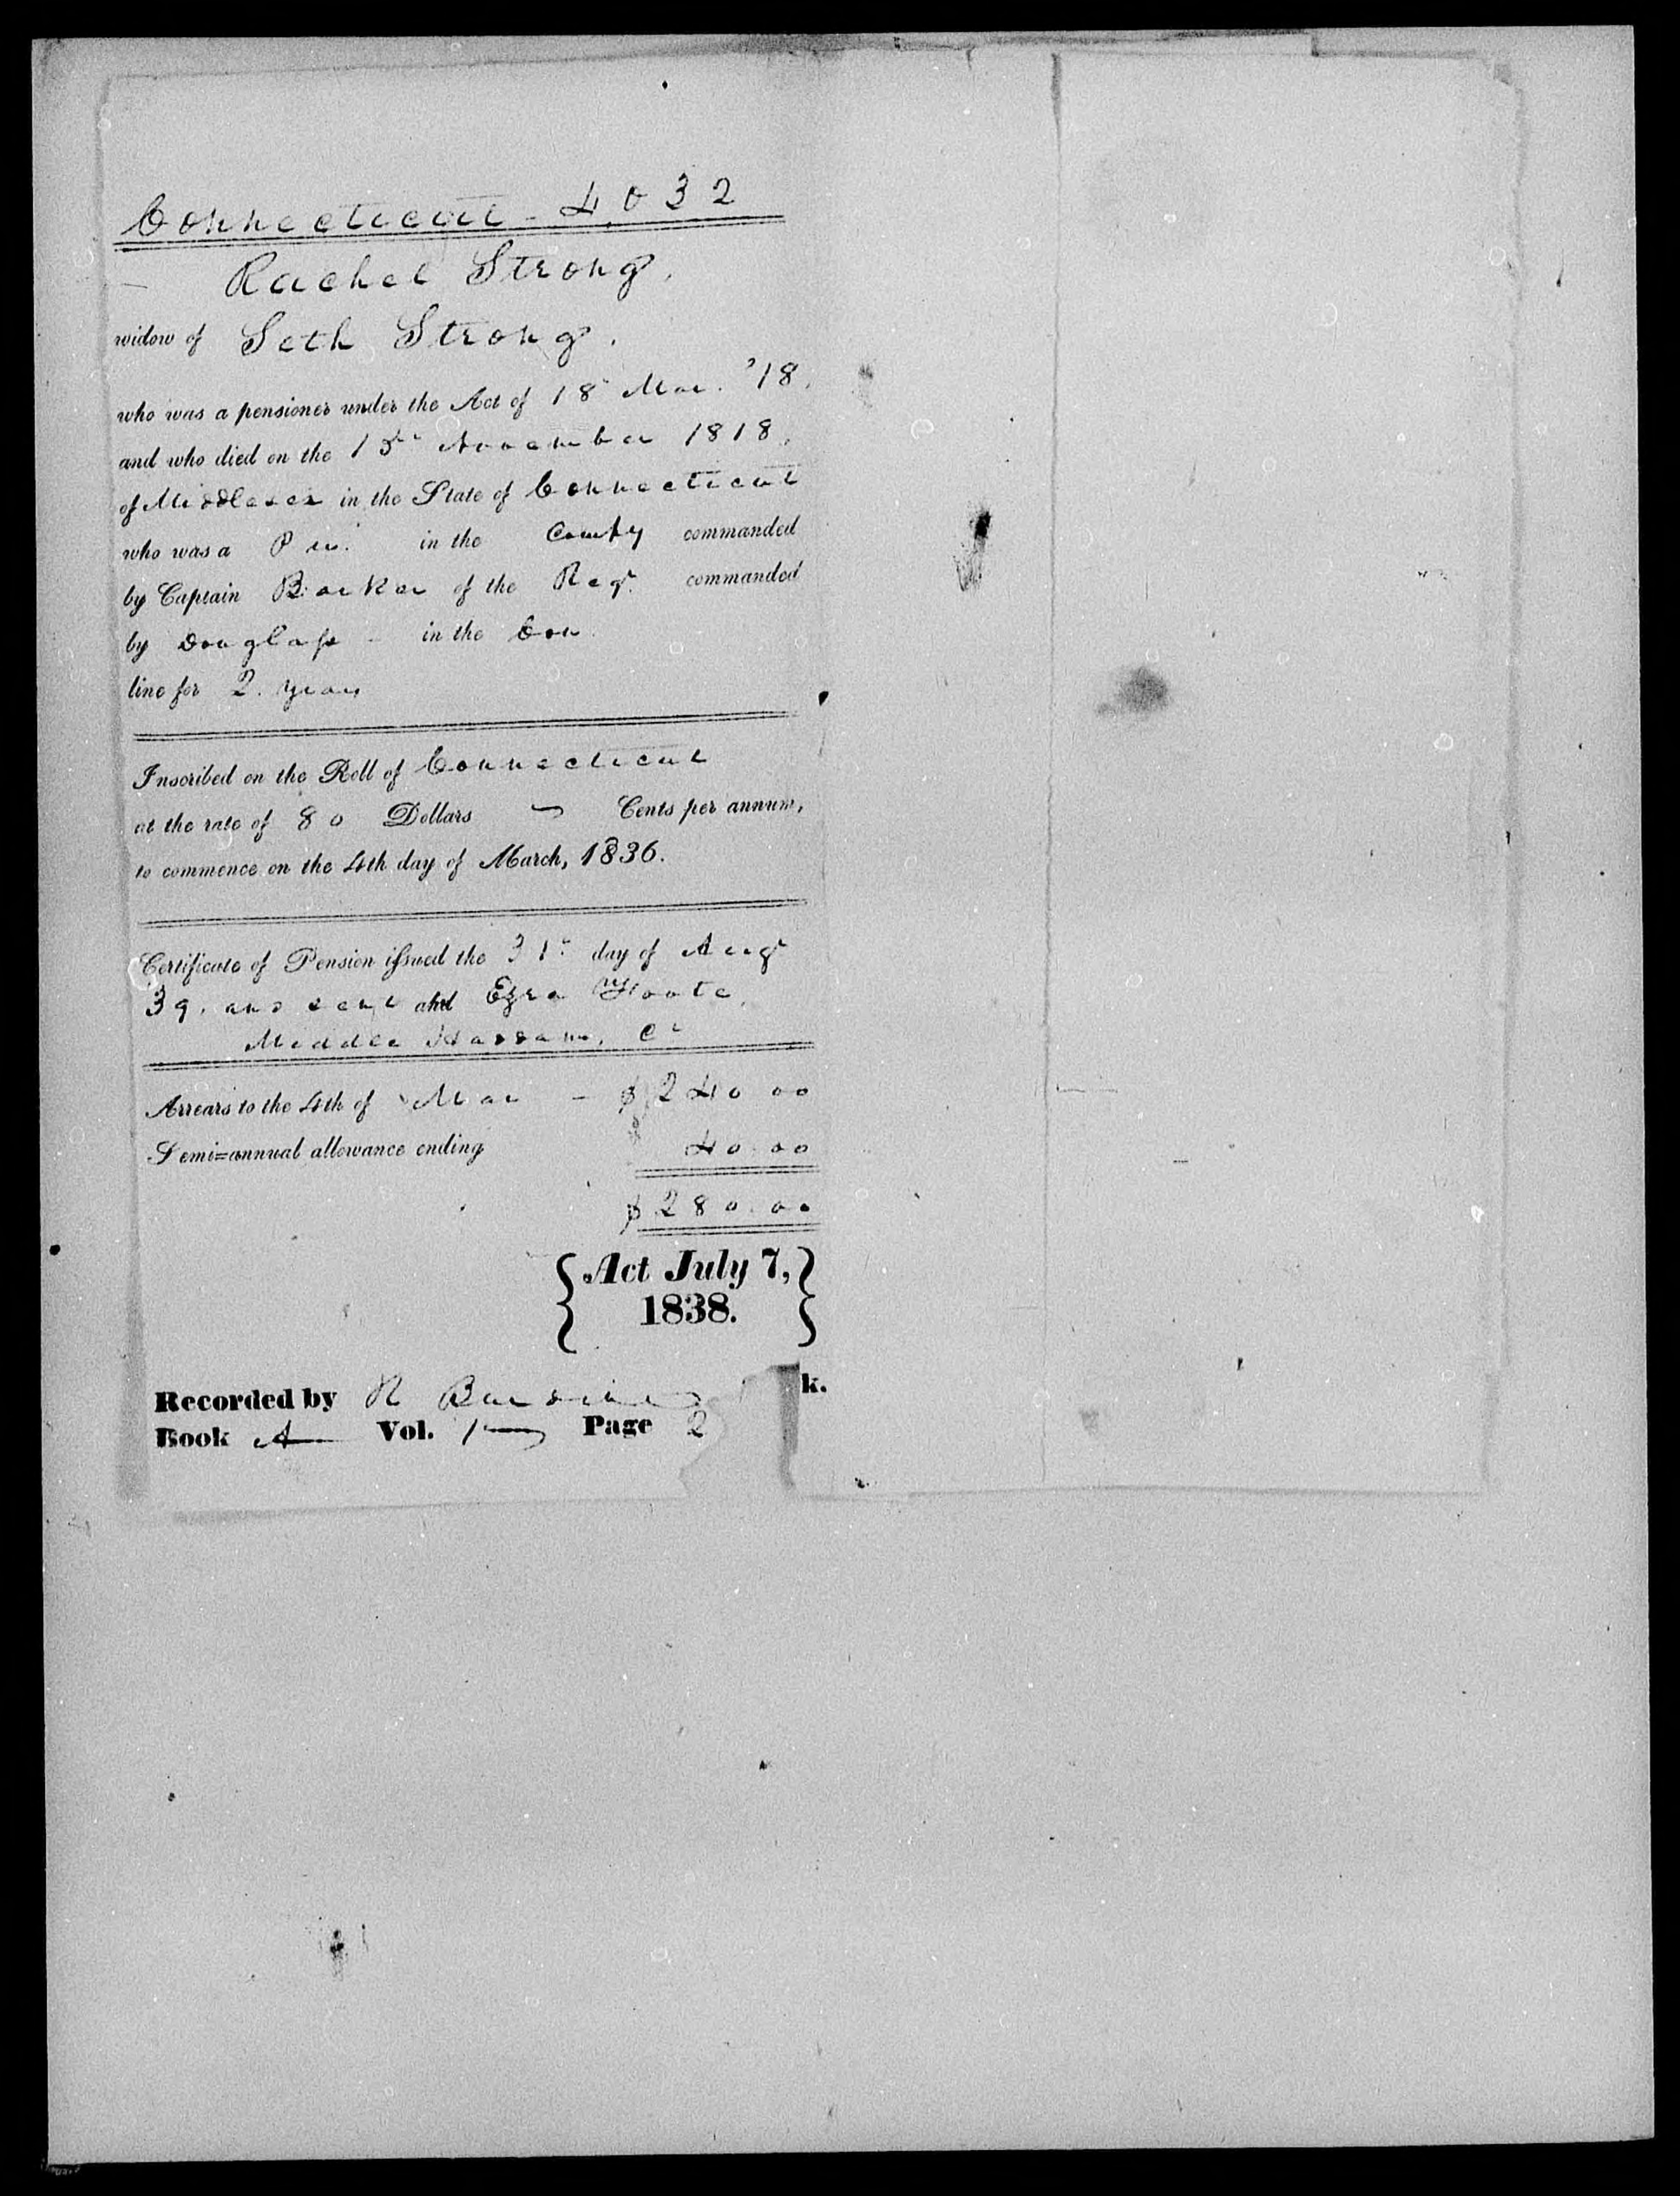Connecticut - 4032
Rachel Strong,
widow of Seth Strong,
who was a pensioner under the Act of 18 Mar. '18, 
and who died on the 15 November 1818,
of Middlesex in the State of Connecticut
who was a Pri. in the Compy commanded
by Captain Barker of the Regt. commanded
by Douglass - in the Con.
line for 2 years

Inscribed on the Roll of Connecticut
at the rate of 80 Dollars - Cents per annum,
to commence on the 4th day of March, 1836.

Certificate of Pension issued the 31 day of Aug
'39 and sent [Illegible] Ezra Foote,
Middle Haddam, Ct

Arrears to the 4th of Mar - $240.00
Semi=annual allowance ending 40.00
[Total] $280.00

Act July 7,
1838.

Recorded by R B[Illegible] [Page torn]
Book A Vol. 1- Page 2 [Page torn]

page: 19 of 47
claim: widow's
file: W. 17879, for Seth Strong, Connecticut